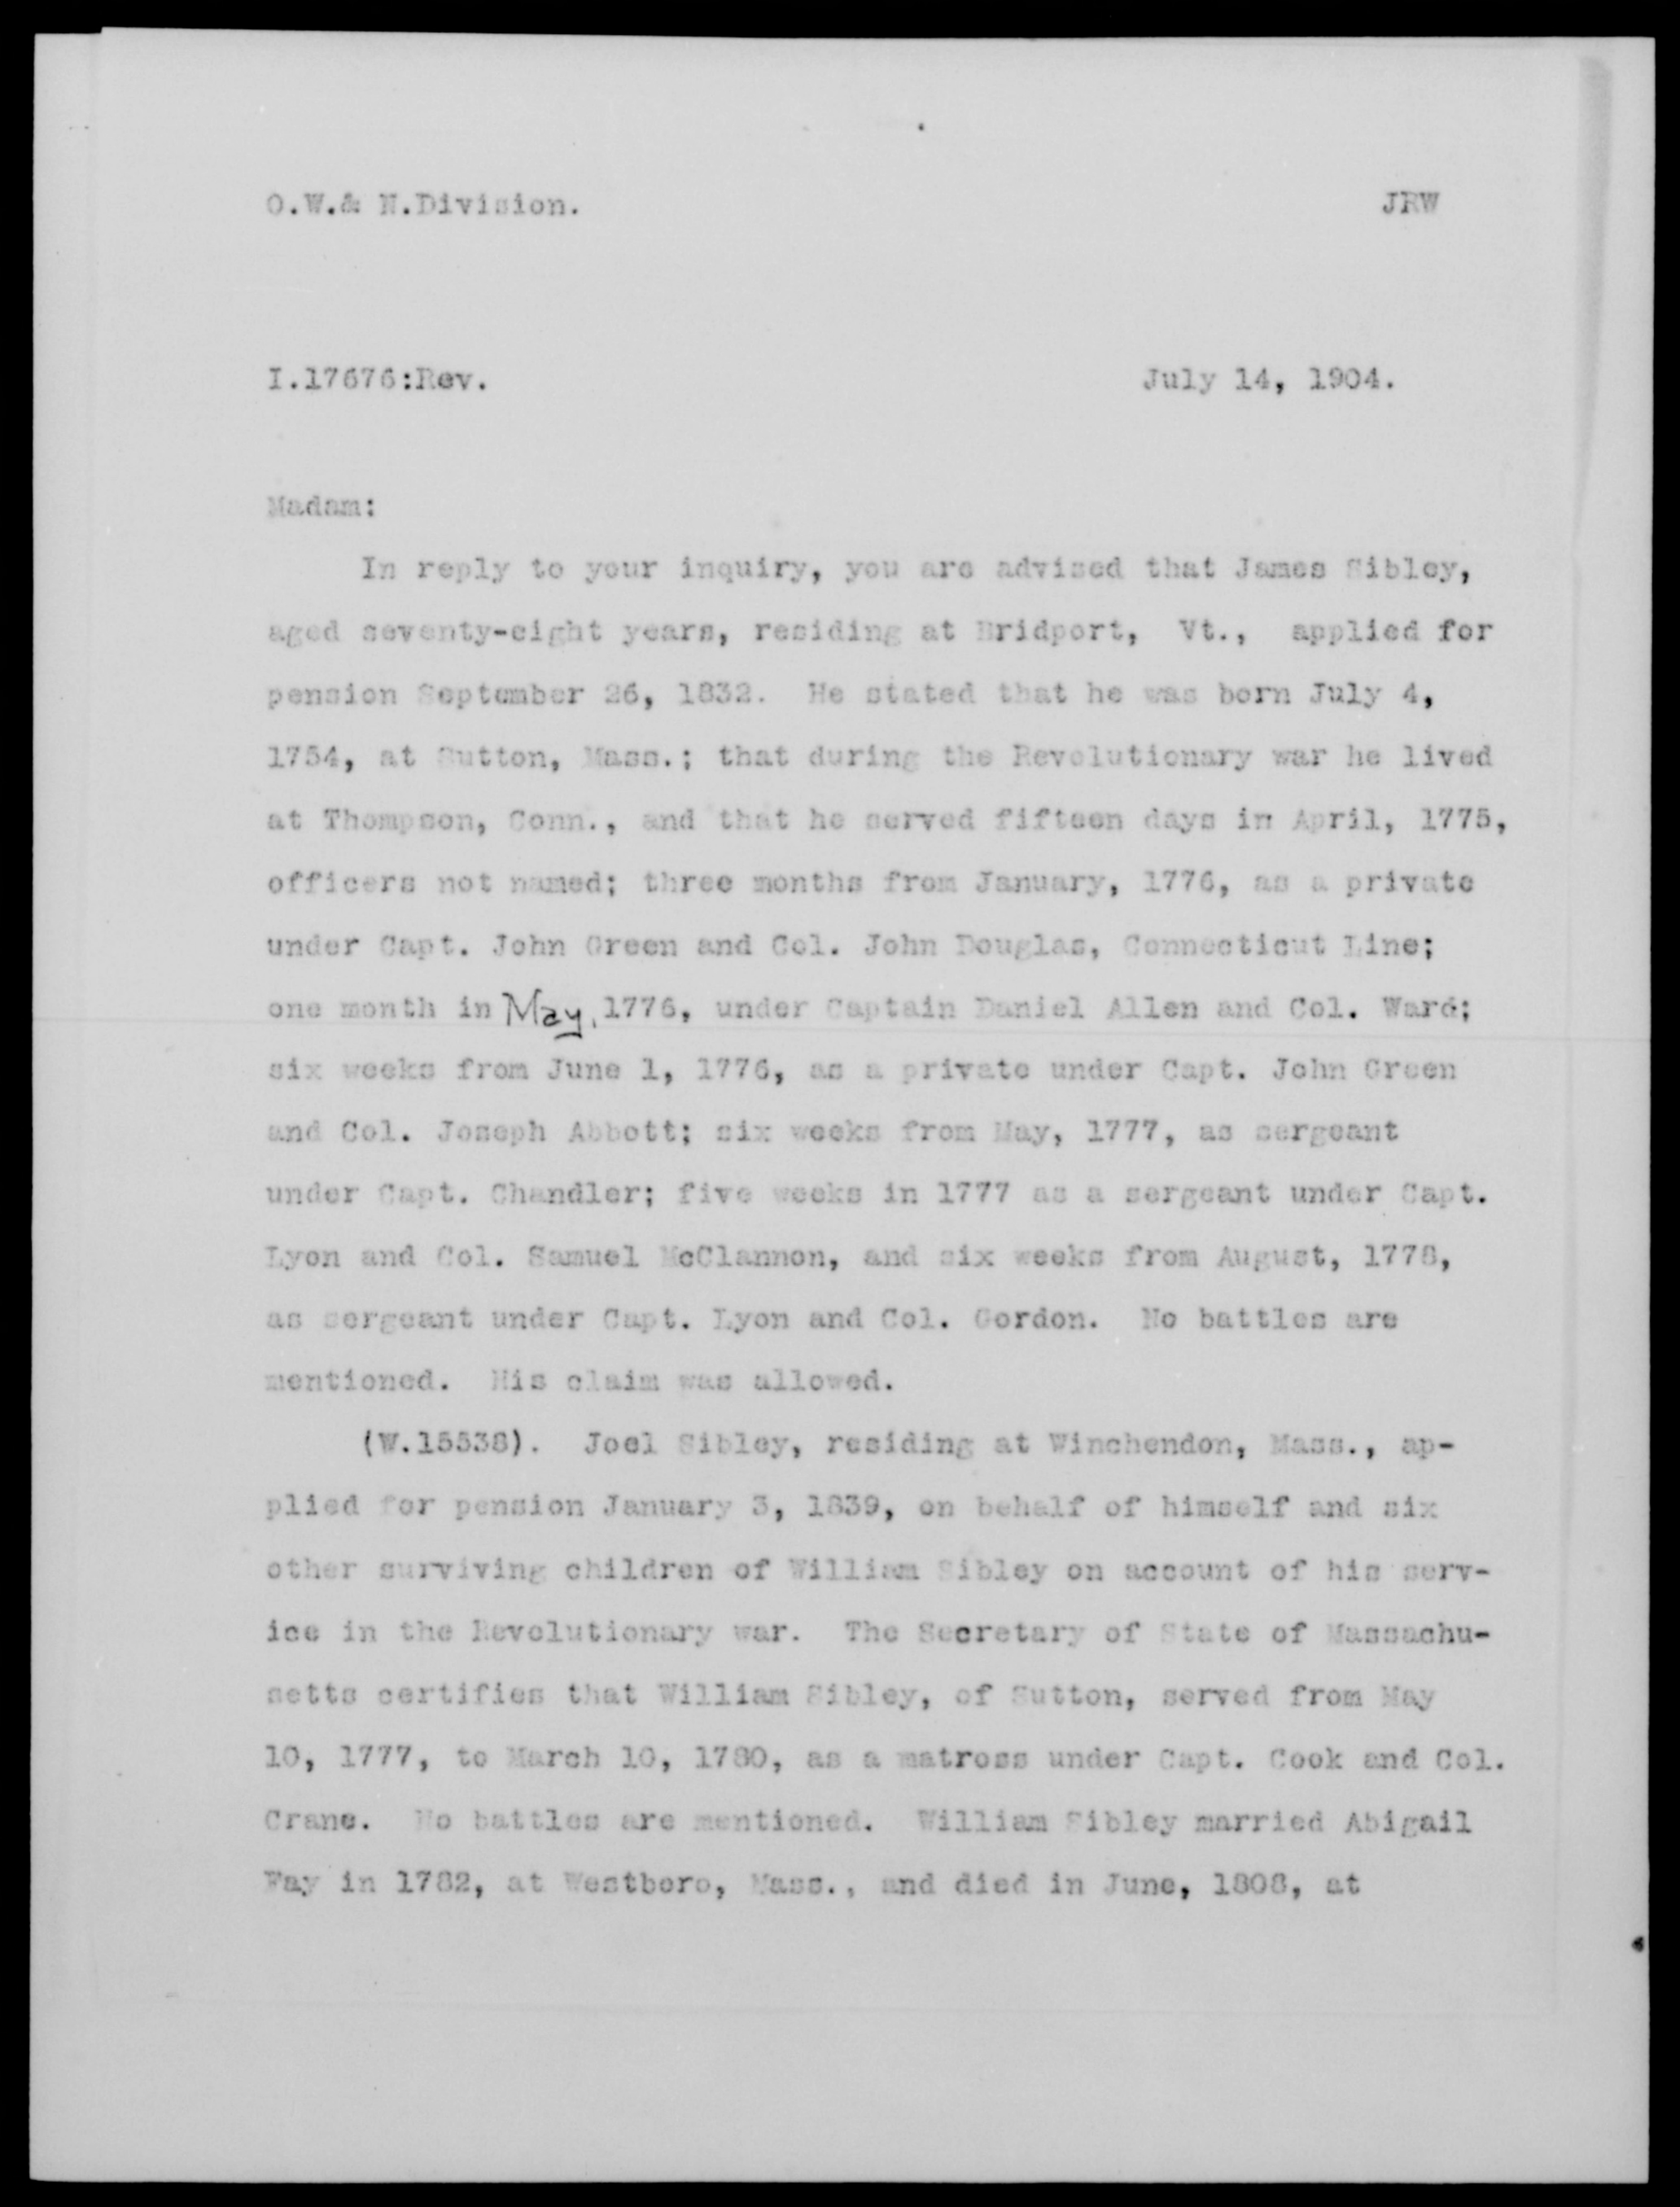O.W.& N. Division. JRW
I.17676:Rev. July 14, 1904

Madam:
In reply to your inquiry, you are advized that James Sibley, aged seventy-eight years, residing at Bridport, Vt., applied for pension September 26, 183.  He stated that he was born July 4, 1754, at Sutton, Mass.; that during the Revolutionary war he lived at Thompson, Conn., and that he served fifteen days in April, 1775, officers not named: three months from January, 1776, a a private under Capt. John Green and Col. John Douglas, Connecticut Line; one month in May, 1776, under Captain Daniel Allen and Col. Ward; six weeks from June 1, 1776, as a private under Capt., John Green and Col. Joseph Abbott; six weeks in 1777 as a sergeant under Capt. Lyon and Col. Samuel McClannon, and six weeks from August, 1778, as sergeant under Capt. Lyon and Col. Gordon.  No battles are mentioned.  His claim was allowed.
(W. 15538). Joel Sibley, residing at Winchendon, Mass., applied for pension January 3, 1839, on behalf of himself and six other surviving children of William Sibley on account of his services in the Revolutionary war.  The secretary of State of Massachusetts certifies that William Sibley, of Sutton, served from May 10, 1777, to March 10, 1780, as a matross under Capt. Cook and Col. Crane. No battles mentioned. William married Abigail Fay in 1782, at Westboro, Mass., and died in June, 1808 at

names: [BLANK] Cook; John Green; William Sibley; William Sibley; [BLANK] Chandler; Joel Sibley; Abigail Fay; [BLANK] Crane; Samuel Mc Clannon; [BLANK] Gordon; Joseph Abbott; [BLANK] Lyon; [BLANK] Lyon; John Green; William Sibley; [BLANK] Ward; John Douglas; James Sibley; Daniel Allen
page: 22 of 24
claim: widow's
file: W. 15,338, for William Sibley, Massachusetts